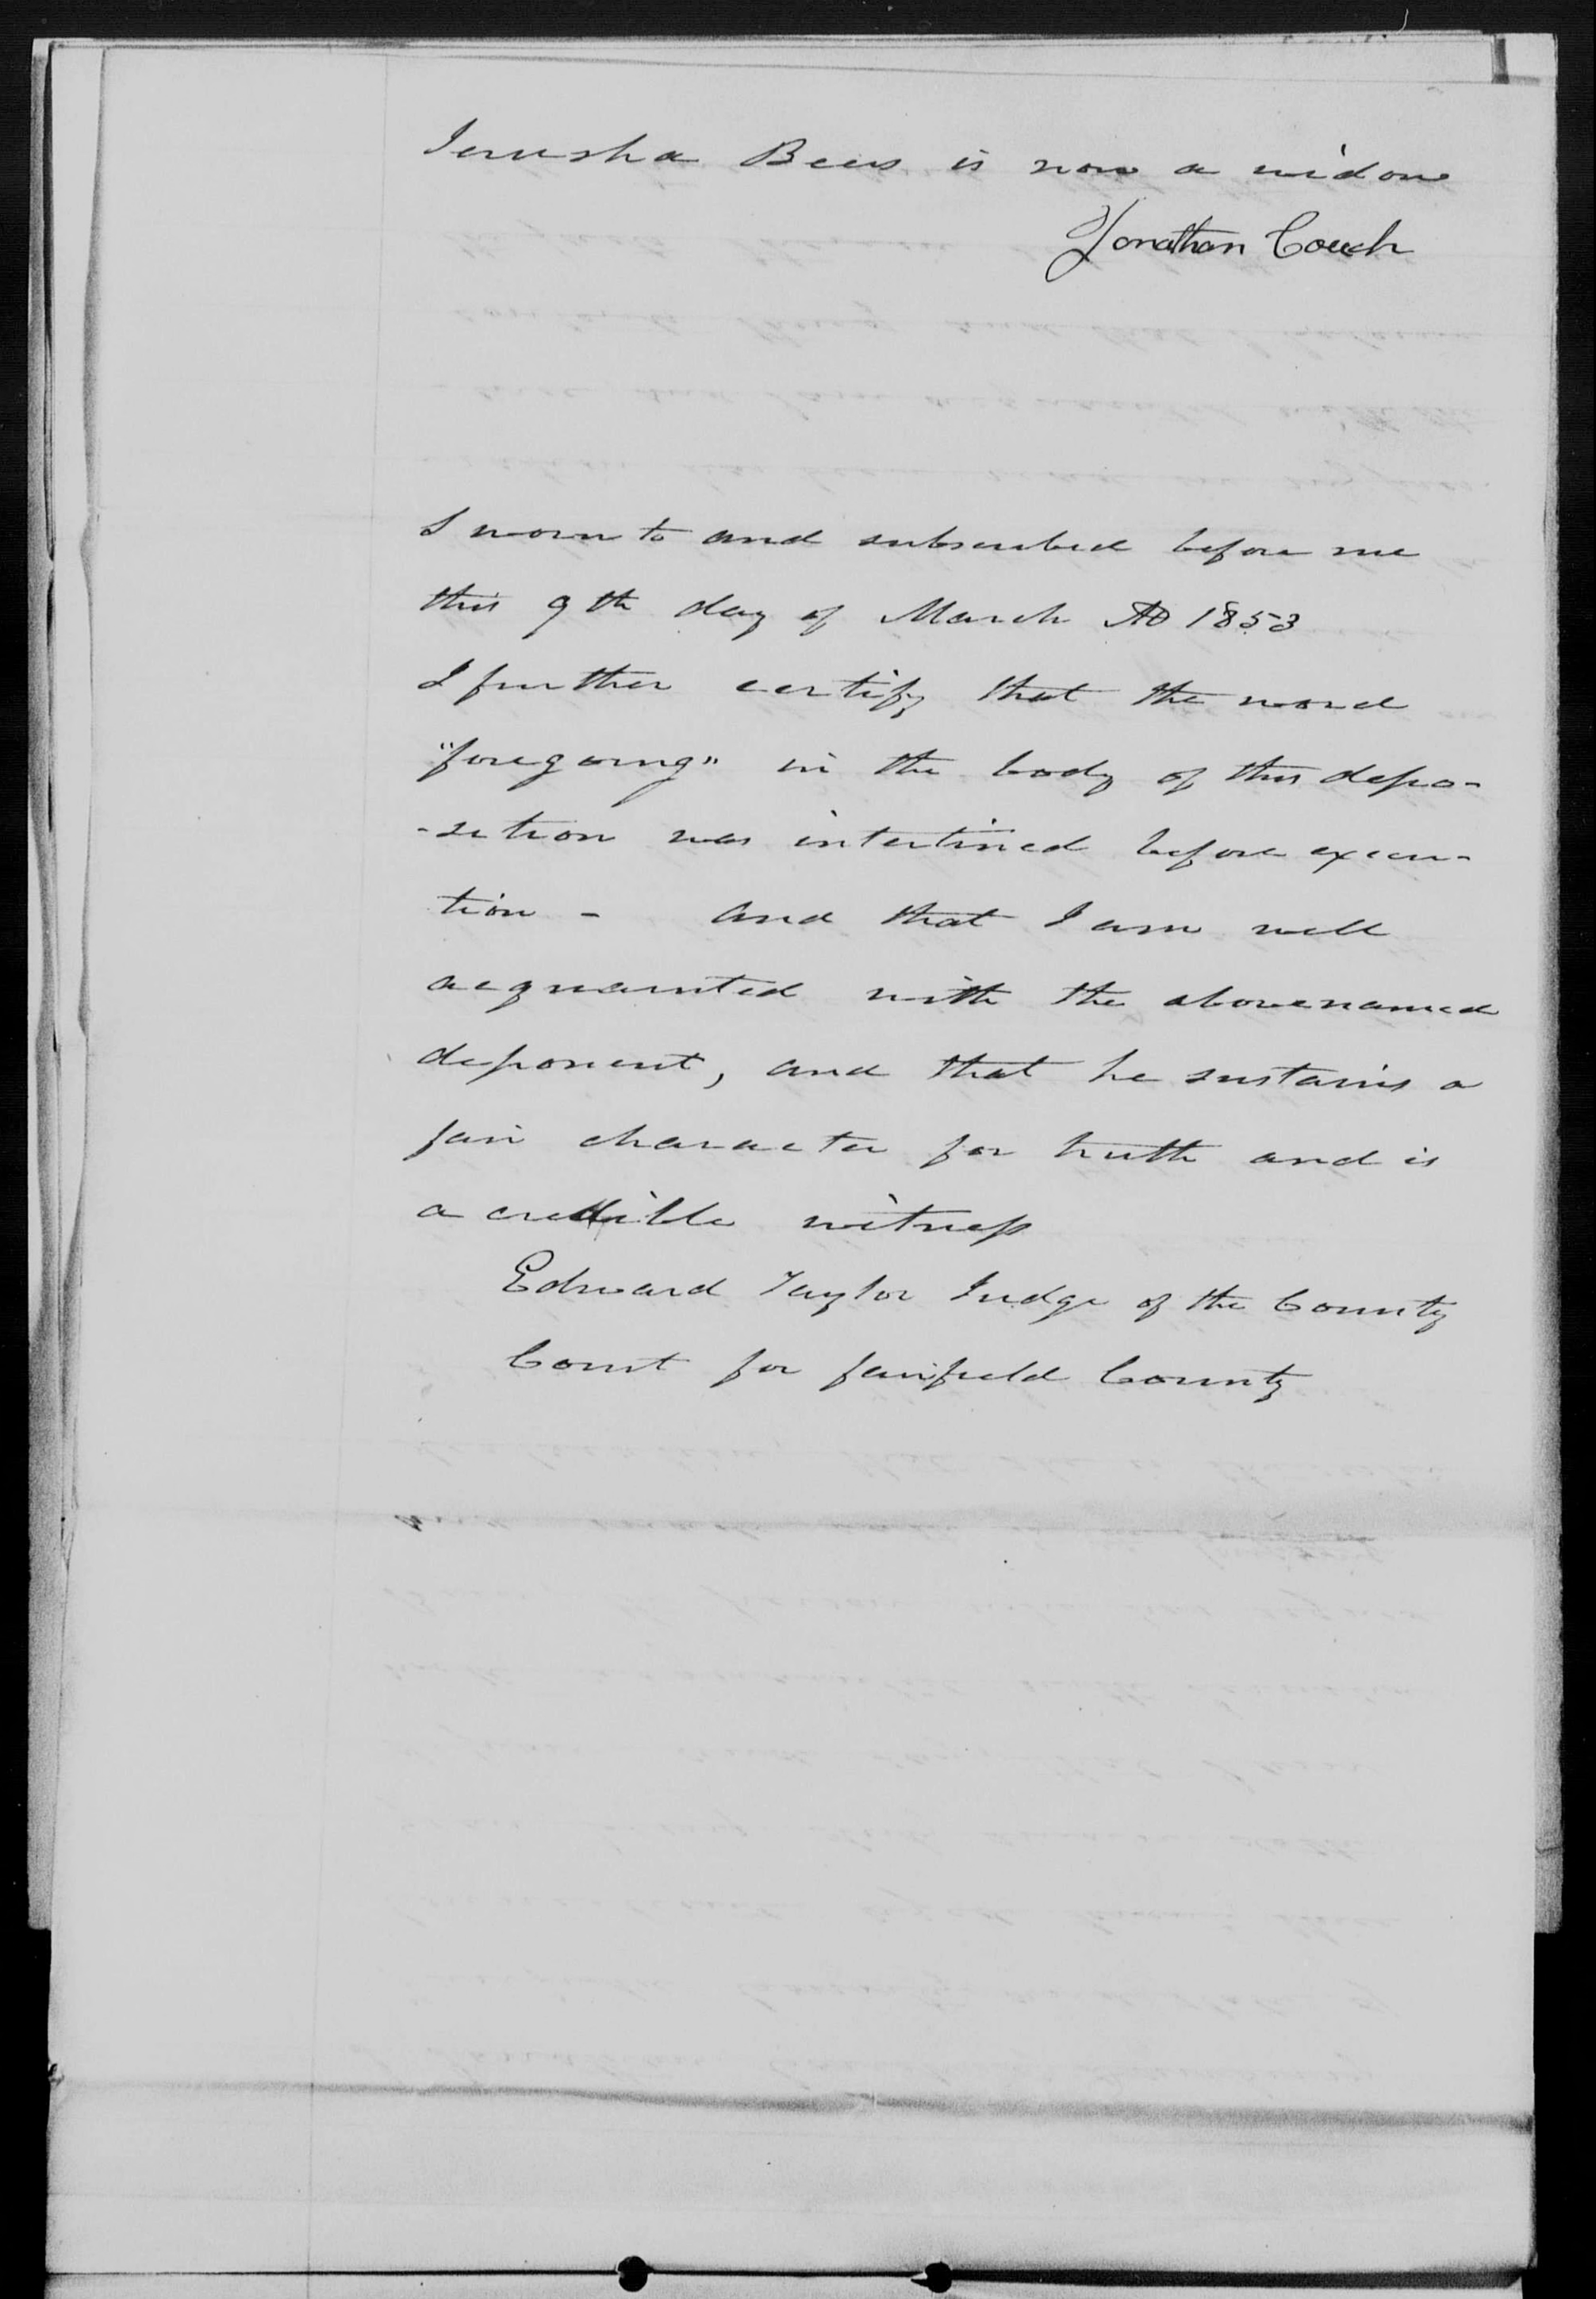Jerusha Beers is now a widow.
Jonathan Couch [signature]
 
Sworn to and subscribed before me this 9th day of March AD 1853. I further certify that the word "foregoing" in the body of this deposition was interlined before execution - and that I am well
acquainted with the abovenamed deponent, and that he sustains a fair character for truth and is a
credible witness
Edward Taylor Judge of the County Court for Fairfield County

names: Jonathan Couch, Jerusha Beers, Edward Taylor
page: 23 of 39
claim: widow's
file: W. 2,056, Squire Ambler, Continental (Sol. Res. In N.Y. & Conn.)